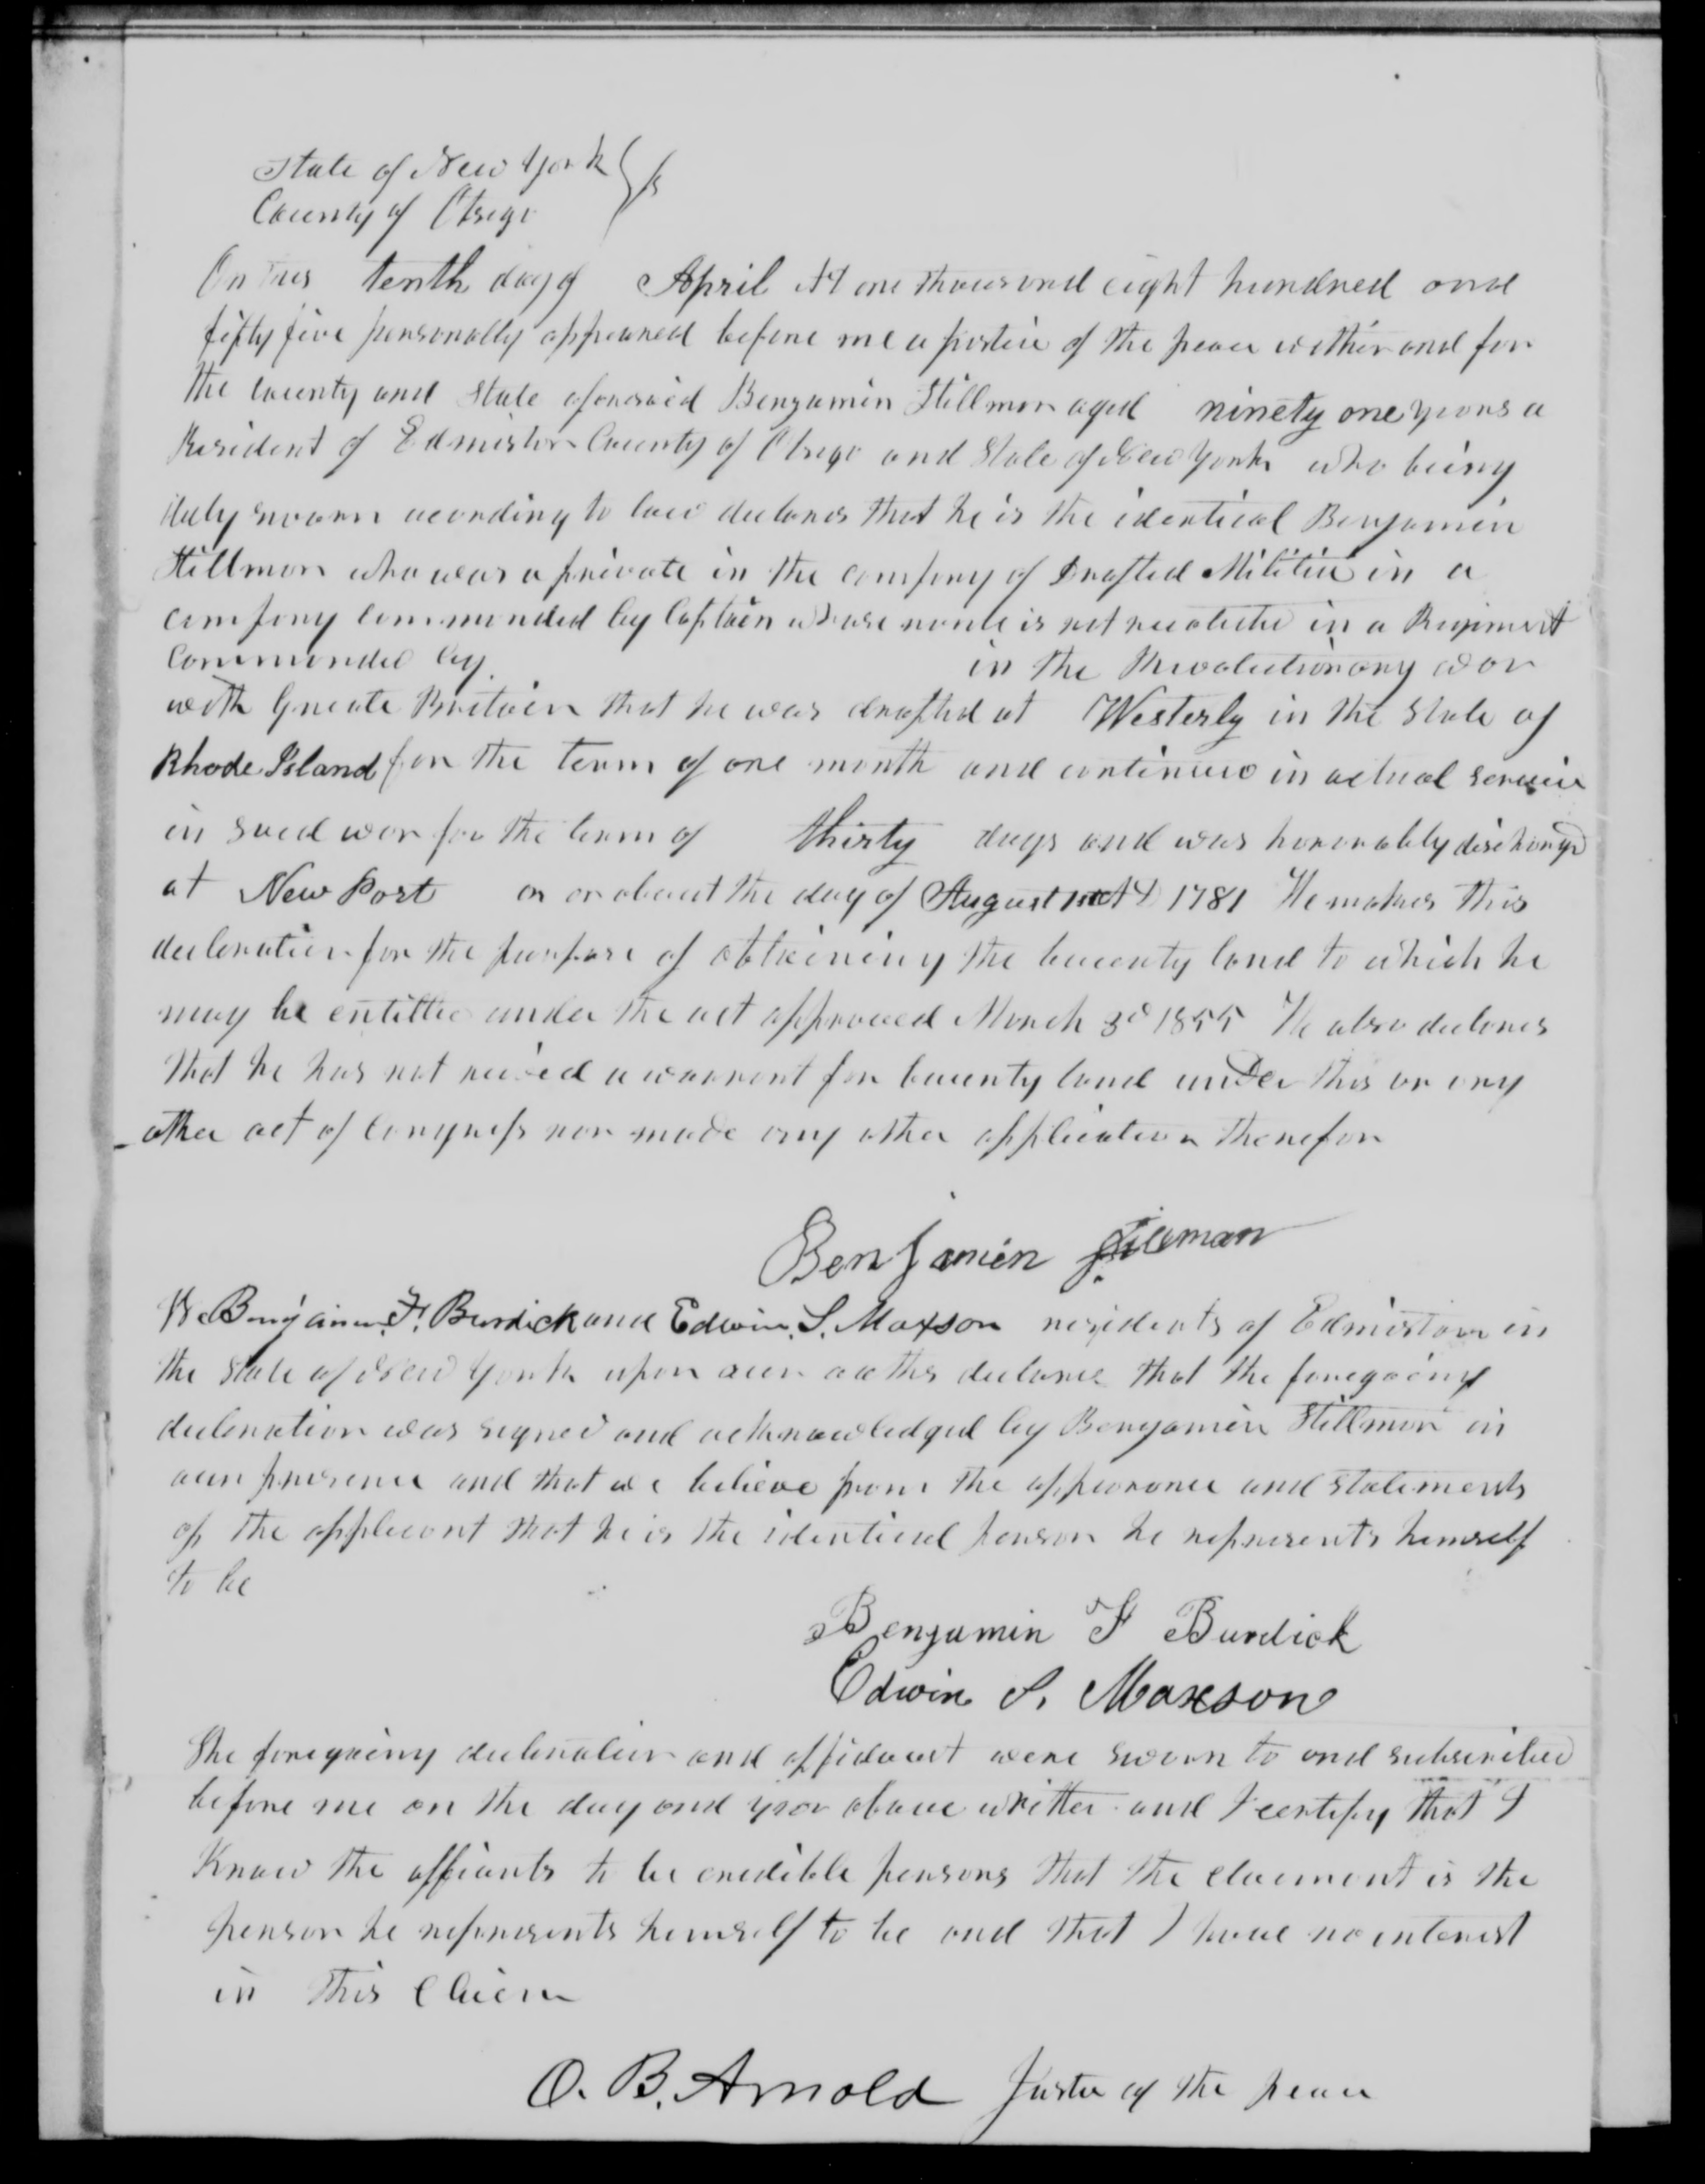State of New York County of Otsego} ss On this tenth day of April AD one thousand eight hundred and fifty five personally appeared before me a Justice of the peace within and for the County and State aforesaid Benjamin Stillman aged ninety one years a Resident of Edmeston County of Otsego and State of New York who being duly sworn according to law declares that he is the identical Benjamin Stillman who was a private in the company of Drafted Militia in a company commanded by Captain whose name is not recollected in a Regiment commanded by [null] in the Revolutionary war with Great Britain. That he was drafted at Westerly in the State of Rhode Island for the term of one month and continued in actual service in said war for the term of thirty days and was honorably discharged at New Port on or about the day of August 14 AD 1781 he makes this declaration for the purpose of obtaining the bounty land to which he may be entitled under the act approved March 3d 1855 He also declares that he has not received a warrant for bounty land under this or any other act of Congress nor made my other application therefore 
Benjamin Stillman 
I Benjamin F. Burdick and Edwin S. Maxson residents of Edmiston in the State of New York upon our oaths declare that the foregoing declaration was signed and acknowledged by Benjamin Stillman in our presence and that we believe from the appearance and statements of the applicant that he is the identical person he represents himself to be 
Benjamin F Burdick 
Edwin P. Maxson 
The foregoing declaration and affidavit were sworn to and subscribed before me on the day and year above written and I certify that I know the affiants to be credible persons that the claimant is the person he represents himself to be and that I have no interest in this claim 
O. B. Arnold Justice of the peace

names: O B Arnold; Benjamin Stillmon; Benjamin F Burdick; Benjamin Stillmon; Benjamin Stillman; Benjamin Stillmon; Edwin S Maxson; Benjamin F Burdick; Edwin S Maxson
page: 4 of 29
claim: bounty land warrant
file: B.L.Wt.47987-160-55, for Benjamin Stillman, Rhode Island